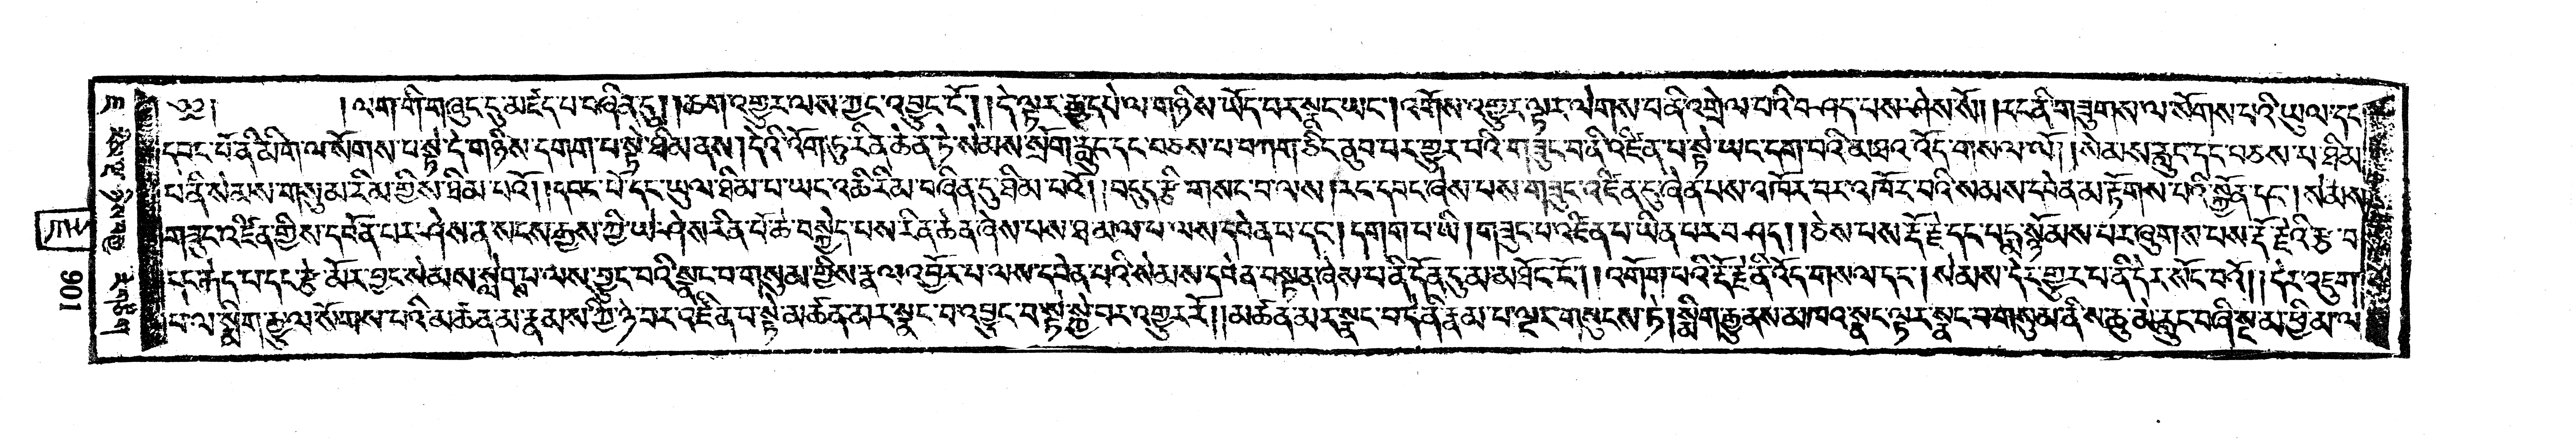༄༅། །ལག་གི་གཞུང་དུ་མཛད་པ་བཞིན་དུ། །ཆག་འགྱུར་ལས་ཀྱང་འབྱུང་ངོ། །དེ་ལྟར་རྒྱ་དཔེ་ལ་གཉིས་ཡོད་པར་སྣང་ཡང་། འགོས་འགྱུར་ལྟར་ལེགས་པ་ནི་འགྲེལ་པའི་བཤད་པས་ཤེས་སོ། །རང་ནི་གཟུགས་ལ་སོགས་པའི་ཡུལ་དང་
དབང་པོ་ནི་མིག་ལ་སོགས་པ་སྟེ་དེ་གཉིས་དགག་པ་སྟེ་ཐིམ་ནས། དེའི་འོག་ཏུ་རིན་ཆེན་ཏེ་སེམས་སྲོག་རླུང་དང་བཅས་པ་བཀག་ཅིང་ནུབ་པར་གྱུར་པའི་གཟུང་བ་ནི་འཛིན་བ་སྟེ་ཡང་དག་པའི་མཐའ་འོད་གསལ་ལོ། །སེམས་རླུང་དང་བཅས་པ་ཐིམ་
པ་ནི་སེམས་གསུམ་རིམ་གྱིས་ཐིམ་པའོ། །དབང་པོ་དང་ཡུལ་ཐིམ་པ་ཡང་འཆི་རིམ་བཞིན་དུ་ཐིམ་པའོ། །བདུད་རྩི་གསང་བ་ལས། རང་དབང་ཞེས་པས་གཟུང་འཛིན་དུ་ཞེན་པས་འཁོར་བར་འཁོར་བའི་སེམས་དབེན་མ་རྟོགས་པའི་སྐྱོན་དང་། སེམས་
གཟུང་འཛིན་གྱིས་དབེན་པར་ཤེས་ན་སངས་རྒྱས་ཀྱི་ཡེ་ཤེས་རིན་པོ་ཆེ་བསྐྱེད་པས་རིན་ཆེན་ཞེས་པས་ཐ་མལ་པ་ལས་དབེན་པ་དང་། དགག་པ་ཡི། གཟུང་བ་འཛིན་པ་ཡིན་པར་བཤད། །ཅེས་པས་རྡོ་རྗེ་དང་པདམ་སྙོམས་པར་ཞུགས་པས་རྡོ་རྗེའི་རྩ་བ་
དང་རྐེད་པ་དང་རྩེ་མོར་བྱང་སེམས་སླེབས་པ་ལས་བྱུང་བའི་སྣང་བ་གསུམ་གྱིས་རྣལ་འབྱོར་པ་ལས་དབེན་པའི་སེམས་དབེན་བསྟན་ཞེས་པ་ནི་དོན་དུ་མ་མཐོང་ངོ། །འགོག་པའི་རྡོ་རྗེ་ནི་འོད་གསལ་དང་། སེམས་དེར་གྱུར་པ་ནི་དེར་སོང་བའོ། །དེར་འཇུག་
པ་ལ་སྨིག་རྒྱུ་ལ་སོགས་པའི་མཚན་མ་རྣམས་ཀྱི་ཉེ་བར་འཛིན་པ་སྟེ་མཚན་མར་སྣང་བ་འབྱུང་བ་སྟེ་སྐྱེ་བར་འགྱུར་རོ། །མཚན་མར་སྣང་བ་དེ་ནི་རྣམ་པ་ལྔར་གསུངས་ཏེ། སྨིག་རྒྱུ་ནས་མཁའ་སྣང་ལྟར་སྣང་བ་གསུམ་ནི་ས་ཆུ་མེ་རླུང་བཞི་སྔ་མ་ཕྱི་མ་ལ་